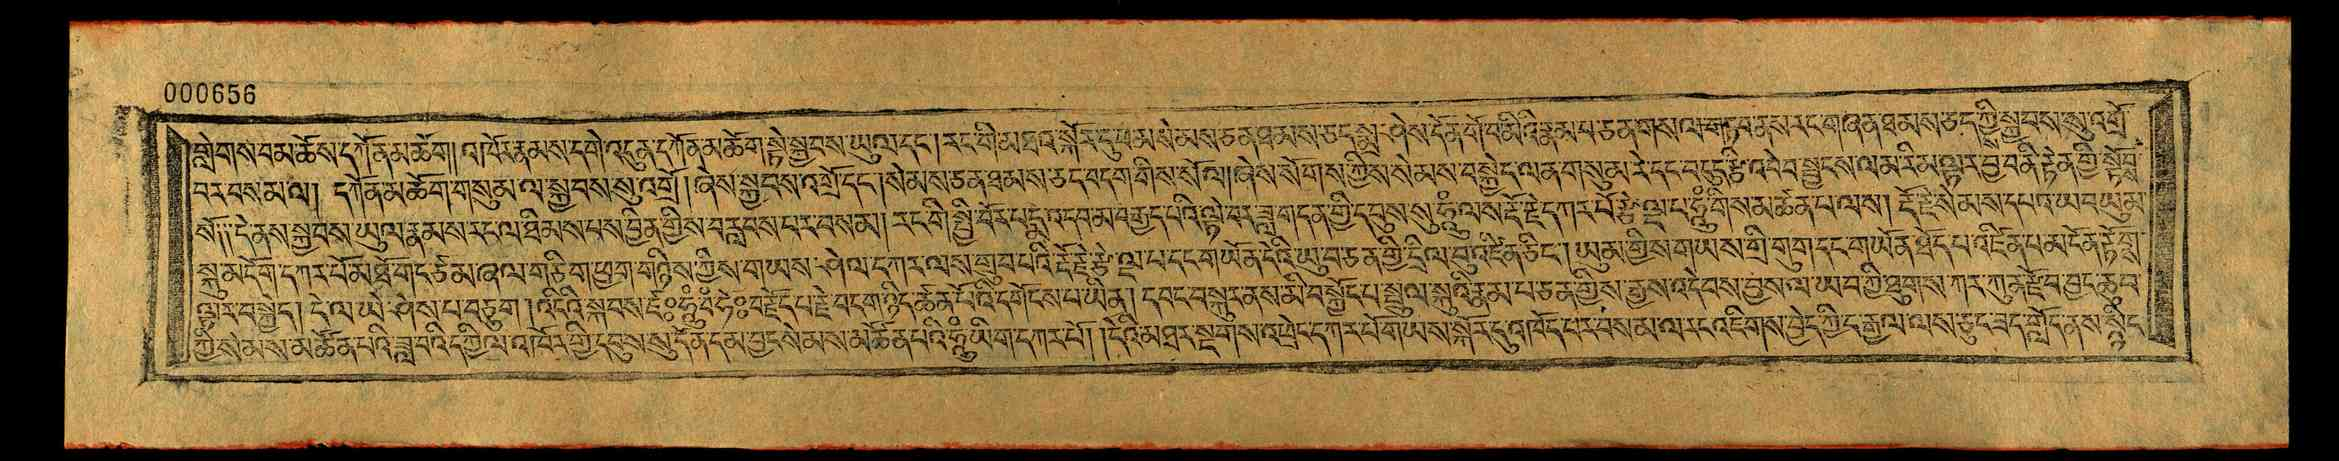གླེགས་བམ་ཆོས་དཀོན་མཆོག །འཁོར་རྣམས་དགེ་འདུན་དཀོན་མཆོག་སྟེ་སྐྱབས་ཡུལ་དང་། རང་གི་མཐའ་སྐོར་དུ་ཕམ་སེམས་ཅན་ཐམས་ཅད་སྨྲ་ཤེས་དོན་གོ་བ་མིའི་རྣམ་པ་ཅན་གསལ་གཏབ་ནས་རང་གཞན་ཐམས་ཅད་ཀྱིས་སྐྱབས་སུ་འགྲོ་
བར་བསམ་ལ། དཀོན་མཆོག་གསུམ་ལ་སྐྱབས་སུ་འགྲོ། ཞེས་སྐྱབས་འགྲོ་དང་། སེམས་ཅན་ཐམས་ཅད་བདག་གིས་སྒྲོལ། ཞེས་སོགས་ཀྱིས་སེམས་བསྐྱེད་ལན་གསུམ་རེ་དང་བདུད་རྩི་འབེབ་སྦྱངས་ལམ་རིམ་ལྟར་བྱ་བ་ནི་རྟེན་གྱི་སྟོབས་
སོ༑ ༑དེ་ནས་སྐྱབས་ཡུལ་རྣམས་རང་ལ་ཐིམས་པས་བྱིན་གྱིས་བརླབས་པར་བསམ། རང་གི་སྤྱི་བོར་པདམ་འདབ་མ་བརྒྱད་པའི་ལྟེ་བར་ཟླ་གདན་གྱི་དབུས་སུ་ཧཱུཾ་ལས་རྡོ་རྗེ་དཀར་པོ་རྩེ་ལྔ་པ་ཧཱུཾ་གིས་མཚན་པ་ལས། རྡོ་རྗེ་སེམས་དཔའི་ཡབ་ཡུམ་
སྐུ་མདོག་དཀར་པོ་མཐོ་གང་ཙམ་ཞལ་གཅིག་ཕྱག་གཉིས་ཀྱིས་གཡས་ཤེལ་དཀར་ལས་གྲུབ་པའི་རྡོ་རྗེ་རྩེ་ལྔ་པ་དང་གཡོན་དེའི་ཡུ་བ་ཅན་གྱི་དྲིལ་བུ་འཛིན་ཅིང་། ཡུམ་གྱིས་གཡས་གྲི་གུག་དང་གཡོན་ཐོད་པ་འཛིན་པ་མངོན་རྟོགས་
ལྟར་བསྐྱེད། དེ་ལ་ཡེ་ཤེས་པ་བཅུག །འདིའི་སྐབས་ཛཿ ཧཱུཾ་བཾ་ཧོཿ བརྗོད་པ་རྗེ་བདག་ཉིད་ཆེན་པོའི་དགོངས་པ་ཡིན། དབང་བསྐུར་ནས་མི་བསྐྱོད་པ་སྤྲུལ་སྐུའི་རྣམ་པ་ཅན་གྱིས་རྒྱས་འདེབས་བྱས་ལ་ཡབ་ཀྱི་ཐུགས་ཀར་ཀུན་རྫོབ་བྱང་ཆུབ་
ཀྱི་སེམས་མཚོན་པའི་ཟླ་བའི་དཀྱིལ་འཁོར་གྱི་དབུས་སུ་དོན་དམ་བྱང་སེམས་མཚོན་པའི་ཧཱུཾ་ཡིག་དཀར་པོ། །དེའི་མཐར་སྔགས་འཕྲེང་དཀར་པོ་གཡས་སྐོར་དུ་འཁོད་པར་བསམ་ལ་རང་འཇིགས་བྱེད་ཀྱི་ང་རྒྱལ་ལས་ཅུང་ཟད་གློད་ནས་སྙི་